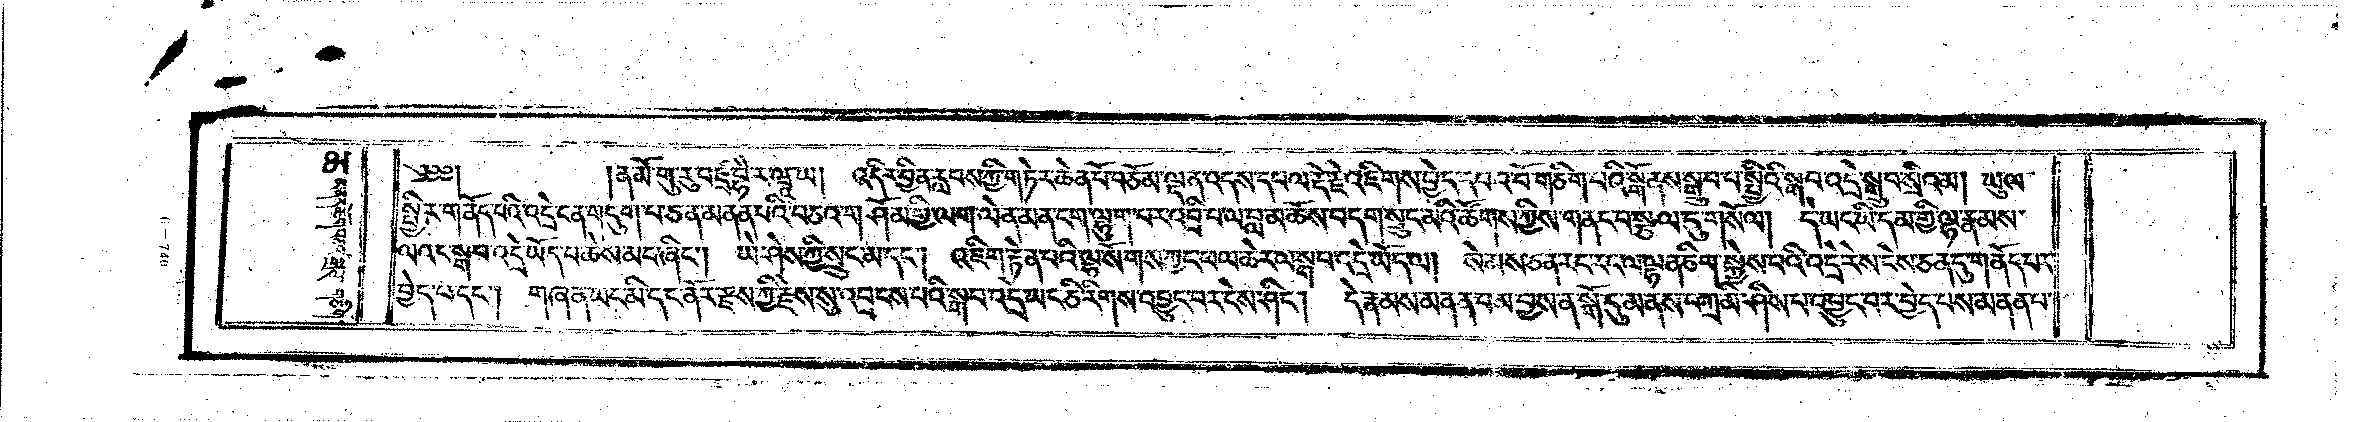༄༅༅། །ན་མོ་གུ་རུ་བཛྲ་བྷཻ་ར་ཝཱ་ཡ། འདིར་བྱིན་རླབས་ཀྱི་གཏེར་ཆེན་པོ་བཅོམ་ལྡན་འདས་དཔལ་རྡོ་རྗེ་འཇིགས་བྱེད་དཔའ་བོ་གཅིག་པའི་སྒོ་ནས་སྒྲུབ་པ་སྤྱིའི་སྒག་འདྲེ་སྒྲུབ་སྲིའམ། །ཡུལ་
སྤྱིར་གནོད་པའི་འདྲེ་ངན་གདུག་པ་ཅན་མནན་པའི་བཅའ་གཤོམ་གྱི་ལག་ལེན་མན་ངག་ལྷུག་པར་འབྲི་བ་ལ་བླ་མ་ཆོས་བདག་སྲུང་མའི་ཚོགས་ཀྱིས་གནང་བ་བསྩལ་དུ་གསོལ། དེ་ཡང་ཡི་དམ་གྱི་ལྷ་རྣམས་
ལའང་སྒབ་འདྲེ་ཡོད་པ་ཆེས་མང་ཞིང་། ཡེ་ཤེས་ཀྱི་སྲུང་མ་དང་། འཇིག་རྟེན་པའི་ལྷ་སོགས་ཀྱང་ཕལ་ཆེར་ལ་སྒ་འདྲེ་ཡོད་ལ། སེམས་ཅན་རང་མང་ལ་ལྷན་ཅིག་སྐྱེས་པའི་འདྲེ་རེས་ངེས་ཅན་དུ་གནོད་པར་
བྱེད་པ་དང་། གཞན་ཡང་མི་དང་ནོར་རྫས་ཀྱི་རྗེས་སུ་འབྲང་པའི་སྒབ་འདྲེ་ཡང་ཅི་རིགས་འབྱུང་བར་ངེས་ཤིང་། དེ་རྣམས་མནན་པ་མ་བྱས་ན་སྒོ་དུ་མ་ནས་བཀྲ་མི་ཤིས་པ་འབྱུང་བར་བྱེད་བས་མནན་པ་